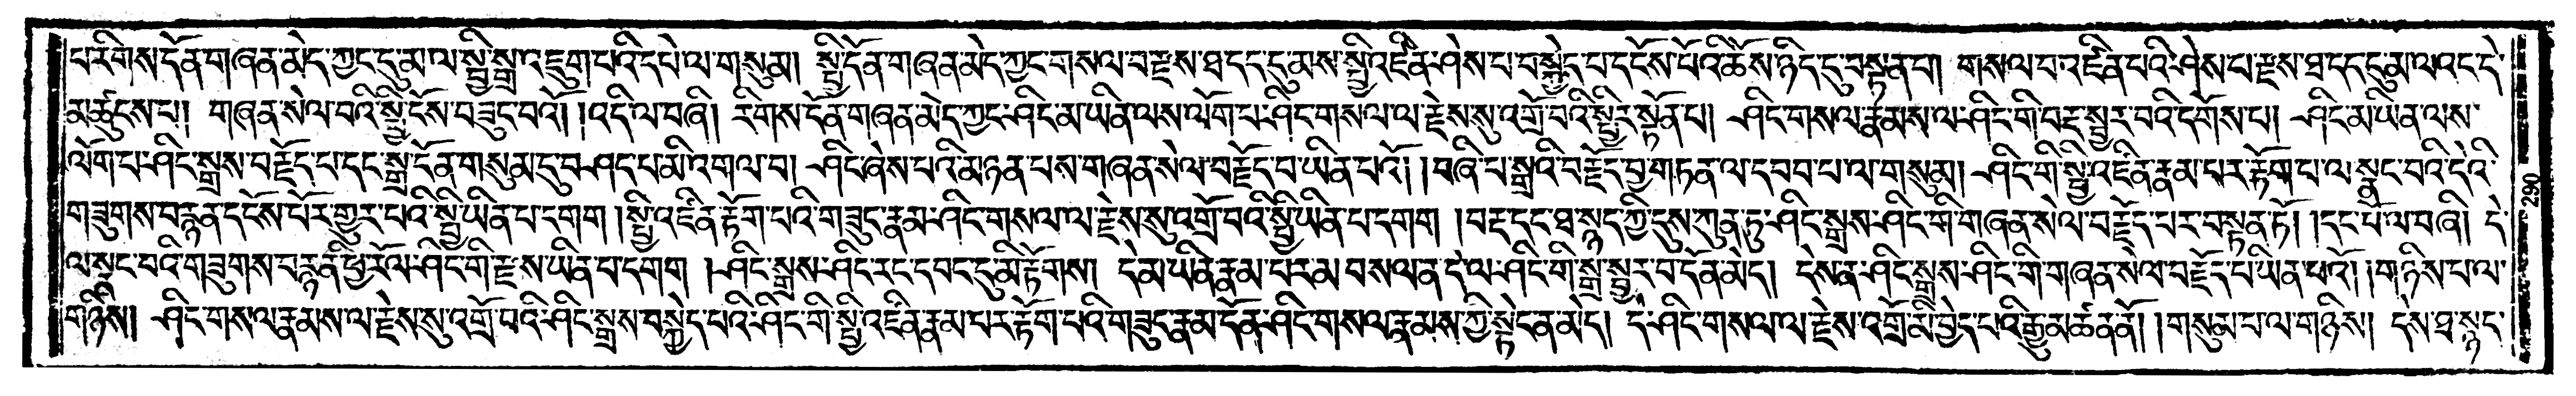པ་རིགས་དོན་གཞན་མེད་ཀྱང་དུ་མ་ལ་སྤྱི་སྒྲ་འཇུག་པའི་དཔེ་ལ་གསུམ། སྤྱི་དོན་གཞན་མེད་ཀྱང་གསལ་བ་རྫས་ཐ་དད་དུ་མས་སྤྱི་འཛིན་ཤེས་པ་བསྐྱེད་པ་དངོས་པོའི་ཆོས་ཉིད་དུ་བསྟན་པ། གསལ་བ་འཛིན་པའི་ཤེས་པ་རྫས་ཐ་དད་དུ་མ་ལའང་དེ་
མཚུངས་པ། གཞན་སེལ་བའི་སྤྱི་ངོས་བཟུང་བའོ། །འདི་ལ་བཞི། རིགས་དོན་གཞན་མེད་ཀྱང་ཤིང་མ་ཡིན་ལས་ལོག་པ་ཤིང་གསལ་ལ་རྗེས་སུ་འགྲོ་བའི་སྤྱིར་སྟོན་པ། ཤིང་གསལ་རྣམས་ལ་ཤིང་གི་བརྡ་སྦྱར་བའི་དགོས་པ། ཤིང་མ་ཡིན་ལས་
ལོག་པ་ཤིང་སྒྲས་བརྗོད་པ་དང་སྒྲ་དོན་གསུམ་དུ་བཤད་པ་མི་འགལ་བ། ཤིང་ཞེས་པའི་མཉན་པས་གཞན་སེལ་བརྗོད་པ་ཡིན་པའོ། །བཞི་པ་སྒྲའི་བརྗོད་བྱ་གཏན་ལ་དབབ་པ་ལ་གསུམ། ཤིང་གི་སྤྱི་འཛིན་རྣམ་པར་རྟོག་པ་ལ་སྣང་བའི་དེའི་
གཟུགས་བརྙན་དངོས་པོར་གྱུར་པའི་སྤྱི་ཡིན་པ་དགག །སྤྱི་འཛིན་རྟོག་པའི་གཟུང་རྣམ་ཤིང་གསལ་ལ་རྗེས་སུ་འགྲོ་བའི་སྤྱི་ཡིན་པ་དགག །བརྡ་དང་ཐ་སྙད་ཀྱི་དུས་ཀུན་ཏུ་ཤིང་སྒྲས་ཤིང་གི་གཞན་སེལ་བརྗོད་པར་བསྟན་ཏོ། །དང་པོ་ལ་བཞི། དེ་
ལ་སྣང་བའི་གཟུགས་བརྙན་ཕྱི་རོལ་ཤིང་གི་རྫས་ཡིན་པ་དགག །ཤིང་སྒྲས་ཤིང་རང་དབང་དུ་མི་རྟོགས། དེ་མ་ཡིན་རྣམ་པར་མ་བསལ་ན་དེ་ལ་ཤིང་གི་སྒྲ་སྦྱར་བ་དོན་མེད། དེས་ན་ཤིང་སྒྲས་ཤིང་གི་གཞན་སེལ་བརྗོད་པ་ཡིན་པའོ། །གཉིས་པ་ལ་
གཉིས། ཤིང་གསལ་རྣམས་ལ་རྗེས་སུ་འགྲོ་བའི་ཤིང་སྒྲས་བསྐྱེད་པའི་ཤིང་གི་སྤྱི་འཛིན་རྣམ་པར་རྟོག་པའི་གཟུང་རྣམ་དོན་ཤིང་གསལ་རྣམས་ཀྱི་སྟེང་ན་མེད། དེ་ཤིང་གསལ་ལ་རྗེས་འགྲོ་མི་བྱེད་པའི་རྒྱུ་མཚན་ནོ། །གསུམ་པ་ལ་གཉིས། དེས་ཐ་སྙད་